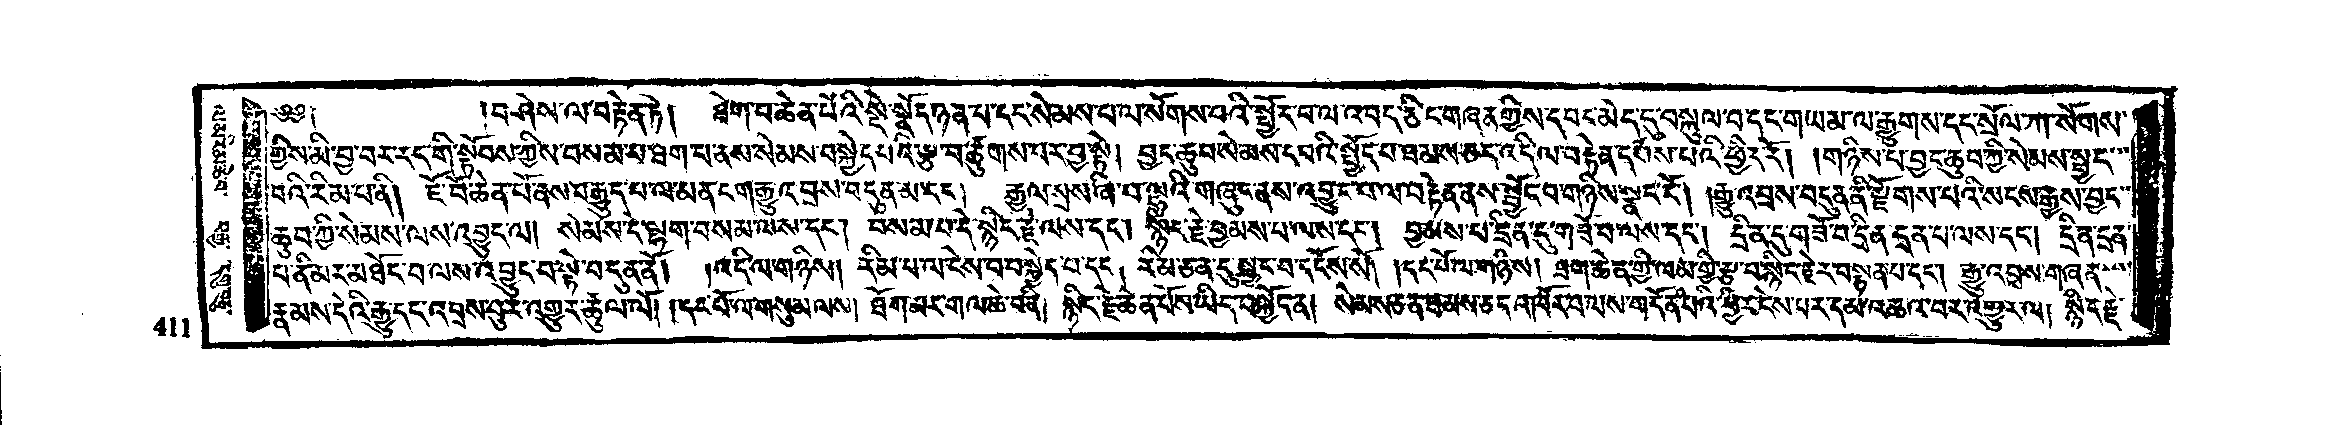༄༅། །བཤེས་ལ་བརྟེན་ཏེ། ཐེག་པ་ཆེན་པོའི་སྡེ་སྣོད་ཉན་པ་དང་སེམས་པ་ལ་སོགས་པའི་སྦྱོར་བ་ལ་འབད་ཅིང་གཞན་གྱིས་དབང་མེད་དུ་བསྐུལ་བ་དང་གཡམ་ལ་རྒྱུགས་དང་སྲོལ་ཀ་སོགས་
ཀྱིས་མི་བྱ་བར་རང་གི་སྟོབས་ཀྱིས་བསམ་པ་ཐག་པ་ནས་སེམས་བསྐྱེད་པའི་རྩ་བ་ཚུགས་པར་བྱ་སྟེ། བྱང་ཆུབ་སེམས་དཔའི་སྤྱོད་པ་ཐམས་ཅད་འདི་ལ་བརྟེན་དགོས་པའི་ཕྱིར་རོ། །གཉིས་པ་བྱང་ཆུབ་ཀྱི་སེམས་སྦྱང་
བའི་རིམ་པ་ནི། ཇོ་བོ་ཆེན་པོ་ནས་བརྒྱུད་པ་ལ་མན་ངག་རྒྱུ་འབྲས་བདུན་མ་དང་། རྒྱལ་སྲས་ཞི་བ་ལྷའི་གཞུང་ནས་འབྱུང་བ་ལ་བརྟེན་ནས་སྦྱོང་བ་གཉིས་སྣང་ངོ། །རྒྱུ་འབྲས་བདུན་ནི་རྫོགས་པའི་སངས་རྒྱས་བྱང་
ཆུབ་ཀྱི་སེམས་ལས་འབྱུང་ལ། སེམས་དེ་ལྷག་བསམ་ལས་དང་། བསམ་པ་དེ་སྙིང་རྗེ་ལས་དང་། སྙིང་རྗེ་བྱམས་པ་ལས་དང་། བྱམས་པ་དྲིན་དུ་གཟོ་བ་ལས་དང་། དྲིན་དུ་གཟོ་བ་དྲིན་དྲན་པ་ལས་དང་། དྲིན་དྲན་
པ་ནི་མར་མཐོང་བ་ལས་འབྱུང་བ་སྟེ་བདུན་ནོ། །འདི་ལ་གཉིས། རིམ་པ་ལ་ངེས་པ་བསྐྱེད་པ་དང་། རིམ་ཅན་དུ་སྦྱང་བ་དངོས་སོ། །དང་པོ་ལ་གཉིས། ཐེག་ཆེན་གྱི་ལམ་གྱི་རྩ་བ་སྙིང་རྗེར་བསྟན་པ་དང་། རྒྱུ་འབྲས་གཞན་
རྣམས་དེའི་རྒྱུ་དང་འབྲས་བུར་འགྱུར་ཚུལ་ལོ། །དང་པོ་ལ་གསུམ་ལས། ཐོག་མར་གལ་ཆེ་བ་ནི། སྙིང་རྗེ་ཆེན་པོས་ཡིད་བསྐྱོད་ན། སེམས་ཅན་ཐམས་ཅད་འཁོར་བ་ལས་གདོན་པའི་ཕྱིར་ངེས་པར་དམ་འཆའ་བར་འགྱུར་ལ། སྙིང་རྗེ་